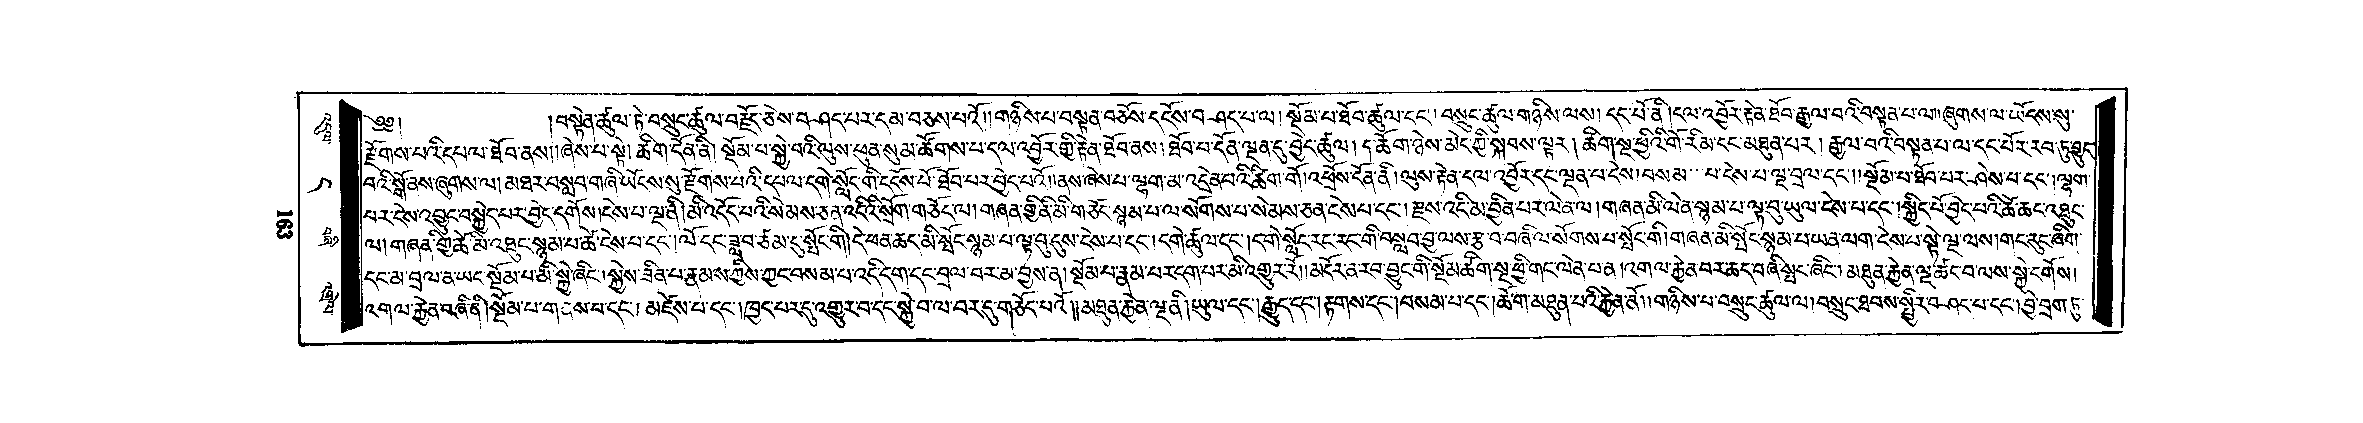༄༅། །བསྟེན་ཚུལ་ཏེ་བསྲུང་ཚུལ་བརྗོད་ཅེས་བཤད་པར་དམ་བཅས་པའོ། །གཉིས་པ་བསྟན་བཅོས་དངོས་བཤད་པ་ལ། སྡོམ་པ་ཐོབ་ཚུལ་དང་། བསྲུང་ཚུལ་གཉིས་ལས། དང་པོ་ནི། དལ་འབྱོར་རྟེན་ཐོབ་རྒྱལ་བའི་བསྟན་པ་ལ། །ཞུགས་ལ་ཡོངས་སུ་
རྫོགས་པའི་དཔལ་ཐོབ་ནས། །ཞེས་པ་སྟེ། ཚིག་དོན་ནི། སྡོམ་པ་སྐྱེ་བའི་ལུས་ཕུན་སུམ་ཚོགས་པ་དལ་འབྱོར་གྱི་རྟེན་ཐོབ་ནས། ཐོབ་པ་དོན་ལྡན་དུ་བྱེད་ཚུལ། ད་ཆོག་ཉེས་མེད་ཀྱི་སྐབས་ལྟར། ཚིག་སྔ་ཕྱིའི་གོ་རིམ་དང་མཐུན་པར། རྒྱལ་བའི་བསྟན་པ་ལ་དང་པོར་རབ་ཏུ་བྱུང་
བའི་སྒོ་ནས་ཞུགས་ལ། མཐར་བསླབ་གཞི་ཡོངས་སུ་རྫོགས་པའི་དཔལ་དགེ་སློང་གི་དངོས་པོ་ཐོབ་པར་བྱེད་པའོ། །ནས་ཞེས་པ་ལྷག་མ་འདྲེན་པའི་ཚིག་གོ །འཕྲོས་དོན་ནི། ལུས་རྟེན་དལ་འབྱོར་དང་ལྡན་པ་དེས། བསམ་པ་ངེས་པ་ལྔ་བྲལ་དང་། །སྡོམ་པ་ཐོབ་པར་ཤེས་པ་དང་། ལྷག་
པར་ངེས་འབྱུང་བསྐྱེད་པར་བྱེད་དགོས། ངེས་པ་ལྔ་ནི། མི་འདོད་པའི་སེམས་ཅན་འདིའི་སྲོག་གཅོད་ལ། གཞན་གྱི་ནི་མི་གཅོད་སྙམ་པ་ལ་སོགས་པ་སེམས་ཅན་ངེས་པ་དང་། རྫས་འདི་མ་བྱིན་པར་ལེན་ལ། གཞན་མི་ལེན་སྙམ་པ་ལྟ་བུ་ཡུལ་ངེས་པ་དང་། སྐྱིད་པོ་བྱེད་པའི་ཚེ་ཆང་འཐུང་
ལ། གཞན་གྱི་ཚེ་མི་འཐུང་སྙམ་པ་ཚེ་ངེས་པ་དང་། ལོ་དང་ཟླ་བ་ཙམ་དུ་སྤོང་གི །དེ་ཕན་ཆད་མི་སྤོང་སྙམ་པ་ལྟ་བུ་དུས་ངེས་པ་དང་། དགེ་ཚུལ་དང་། དགེ་སློང་རང་རང་གི་བསླབ་བྱ་ལས་རྩ་བ་བཞི་ལ་སོགས་པ་སྤོང་གི །གཞན་མི་སྤོང་སྙམ་པ་ཡན་ལག་ངེས་པ་སྟེ་ལྔ་ལས། གང་རུང་ཞིག་
དང་མ་བྲལ་ན་ཡང་སྡོམ་པ་མི་སྐྱེ་ཞིང་། སྐྱེས་ཟིན་པ་རྣམས་ཀྱིས་ཀྱང་བསམ་པ་འདི་དག་དང་བྲལ་བར་མ་བྱས་ན། སྡོམ་པ་རྣམ་པར་དག་པར་མི་འགྱུར་རོ། །མདོར་ན་རབ་བྱུང་གི་སྡོམ་ཚིག་སྔ་ཕྱི་གང་ལེན་པ་ན། འགལ་རྐྱེན་བར་ཆད་བཞི་སྤང་ཞིང་། མཐུན་རྐྱེན་ལྔ་ཚང་བ་ལས་སྐྱེ་དགོས།
འགལ་རྐྱེན་བཞི་ནི། སྡོམ་པ་གནས་པ་དང་། མཛེས་པ་དང་། ཁྱད་པར་དུ་འགྱུར་བ་དང་སྐྱེ་བ་ལ་བར་དུ་གཅོད་པའོ། །མཐུན་རྐྱེན་ལྔ་ནི། ཡུལ་དང་། རྒྱུད་དང་། རྟགས་དང་། བསམ་པ་དང་། ཆོ་ག་མཐུན་པའི་རྐྱེན་ནོ། །གཉིས་པ་བསྲུང་ཚུལ་ལ། བསྲུང་ཐབས་སྤྱིར་བཤད་པ་དང་། བྱེ་བྲག་ཏུ་